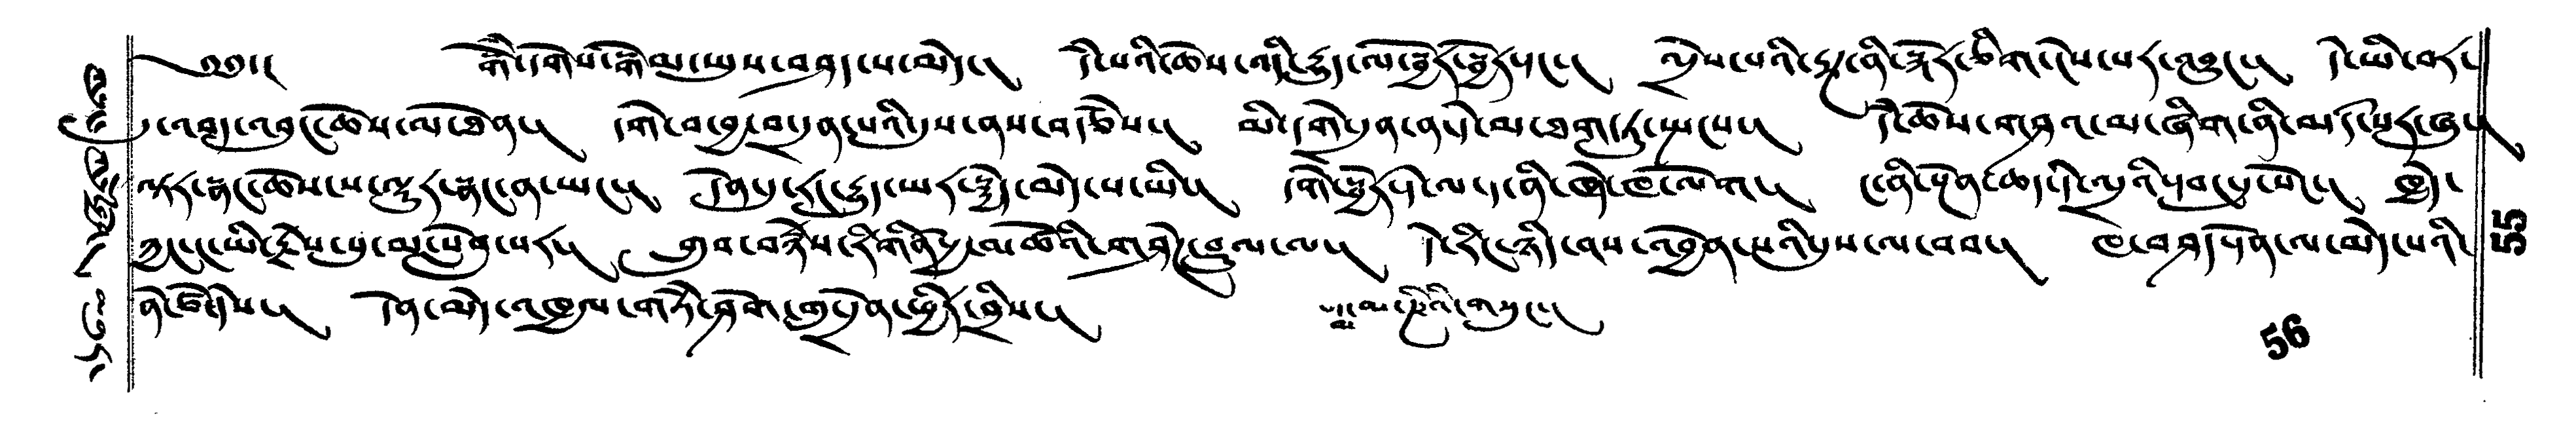སྒོམ་དགོས་སྒོམ་ཡུས་བཤད་ས་མེད། །དམ་པའི་ཆོས་འདི་རྒྱུད་ལ་སྦྱོར་སྦྱོར་དང་། །འདྲེས་པའི་རྟགས་ནི་སྐོར་ཅིག་ངེས་པར་འབྱུང་། །དེ་ཡི་བར་
དུ་འབད་འབུངས་ཆོས་ལ་ཐོན། །དགེ་བ་བྱ་བ་དྲན་པའི་དུས་ནས་རྩོམས། །མི་དགེ་དྲན་ན་དེ་མ་ཐག་ཏུ་སྤོངས། །དམ་ཆོས་གཤའ་མ་ཞིག་ནི་མཛད་པར་ཞུ། །
ལྟར་སྣང་ཆོས་པ་ལྟ་བུར་སྣང་ན་ཡང་། །དོན་དུ་རང་རྒྱུད་ཡར་སྐྱེད་མེད་པ་ཡི། །དགེ་སྦྱོར་དེ་ལད་ནི་ཞེ་ཁ་ལོག །ང་ནི་སྔོན་ཆད་དེ་འདྲའི་དབང་དུ་སོང་། ཁྱེད་
ཀྱང་ང་ཡི་རྗེས་སུ་མ་སློབ་པར། །གྲུབ་བརྙེས་རིག་འཛིན་བྱེ་བ་གཤེགས་ཤུལ་ལ། །དེ་རིང་ཉིད་ནས་བྱོན་པའི་དུས་ལ་བབ། །ཁ་བཤད་དོན་ལ་མེད་པའི་
ནེ་ཙོ་དེས། དོན་མེད་འཆལ་གཏམ་ཤོག་གུ་གྲེན་ཕྱིར་བྲིས།། པདྨ་མ་ཎིའི་གསུང་དགེའོ།།